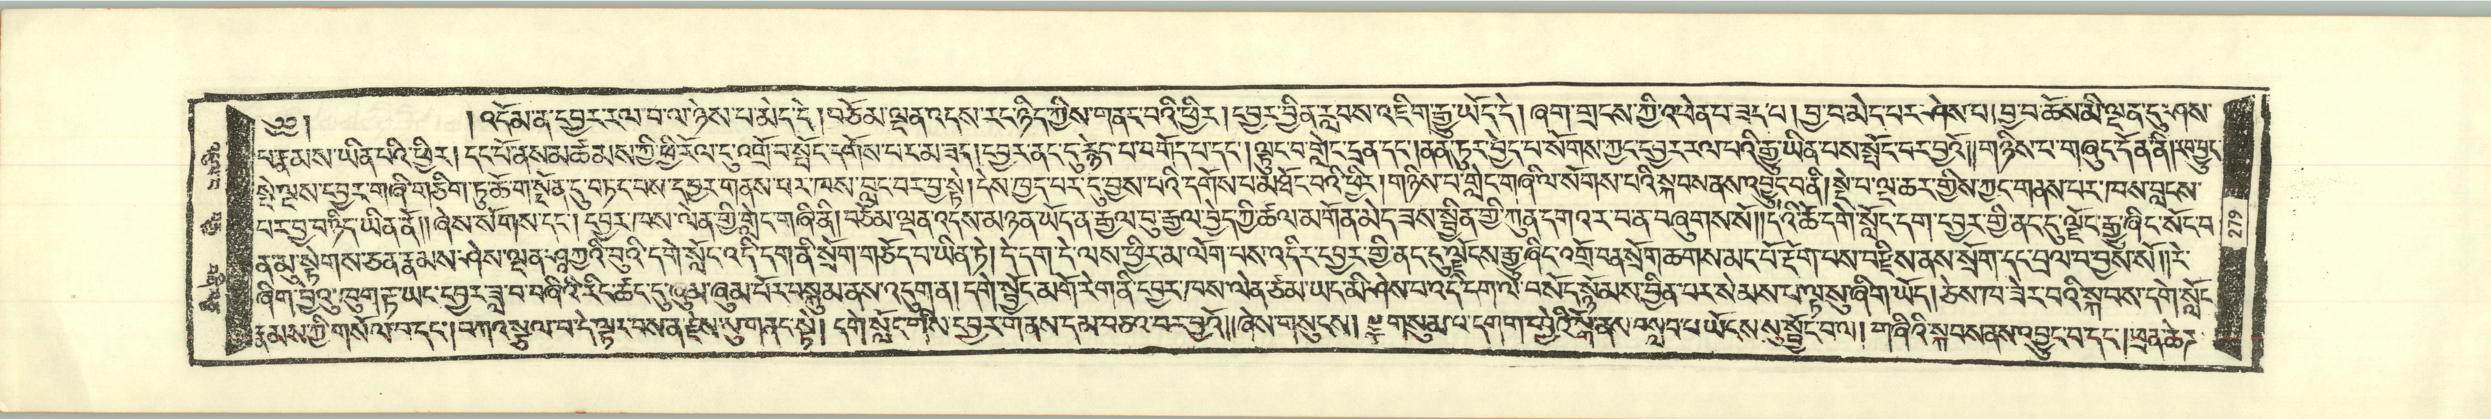༄༅། །འདོམ་ན་དབྱར་རལ་བ་ལ་ཉེས་པ་མེད་དེ། བཅོམ་ལྡན་འདས་རང་ཉིད་ཀྱིས་གནང་བའི་ཕྱིར། དབྱར་བྱིན་རླབས་འཇིག་རྒྱུ་ཡོད་དེ། ཞག་གྲངས་ཀྱི་འཕེན་པ་ཟད་པ། བྱ་བ་མེད་པར་ཤེས་པ། བྱ་བ་ཆོས་མིན་ལྡན་དུ་ཤས་
པ་རྣམས་ཡིན་པའི་ཕྱིར། དང་པོ་ནས་མཚམས་ཀྱི་ཕྱི་རོལ་དུ་འགྲོ་བ་སྤོང་དགོས་པར་མ་ཟད། དབྱར་ནང་དུ་རྙེད་པ་བགོད་པ་དང་། ལྟུང་བ་གླེང་དྲན་དང་། ནན་ཏུར་བྱེད་པ་སོགས་ཀྱང་དབྱར་རལ་པའི་རྒྱུ་ཡིན་པས་སྤོང་བར་བྱའོ། །གཉིས་པ་གཞུང་དོན་ནི། རབ་བྱུང་
སྤེ་ལྔས་དབྱར་གཞི་གཅིག་ཏུ་ཆོ་ག་སྔོན་དུ་བཏང་བས་དབྱར་གནས་པར་ཁས་བླང་བར་བྱ་སྟེ། དེས་ཁྱད་པར་དུ་བྱས་པའི་དགོས་པ་མཐོང་བའི་ཕྱིར། གཉིས་པ་གླེང་གཞི་ལ་སོགས་པའི་སྐབས་ནས་འབྱུང་བ་ནི། སྡེ་པ་ལྔ་ཆར་གྱིས་ཀྱང་གནས་པར་ཁས་བླངས་
པར་བྱ་བ་ཉིད་ཡིན་ནོ། །ཞེས་སོགས་དང་། དབྱར་ཁས་ལེན་གྱི་གླེང་གཞི་ནི། བཅོམ་ལྡན་འདས་མཉན་ཡོད་ན་རྒྱལ་བུ་རྒྱལ་བྱེད་ཀྱི་ཚལ་མགོན་མེད་ཟས་སྦྱིན་གྱི་ཀུན་དགའ་ར་བ་ན་བཞུགས་སོ། །དེའི་ཚེ་དགེ་སློང་དག་དབྱར་གྱི་ནང་དུ་ལྗོང་རྒྱུ་ཞིང་སོང་བ་
ན་མུ་སྟེགས་ཅན་རྣམས་ཤེས་ལྡན་ཤཱཀྱའི་བུའི་དགེ་སློང་འདི་དག་ནི་སྲོག་གཅོད་པ་ཡིན་ཏེ། དེ་དག་དེ་ལས་ཕྱིར་མ་ལོག་པས་འདིར་དབྱར་གྱི་ནང་དུ་ལྗོངས་རྒྱུ་ཞིང་འགྲོ་བན་སྲོག་ཆགས་མང་པོ་རྡོག་པས་བརྫིས་ནས་སྲོག་དང་བྲལ་བ་བྱས་སོ། །རེ་
ཞིག་བྱེའུ་ཁུག་རྟ་ཡང་དབྱར་ཟླ་བ་བཞིའི་རིང་ཚང་དུ་ཞུམ་ཞུམ་པོར་བསྐུམ་ནས་འདུག་ན། དགེ་སྦྱོང་མགོ་རེག་ནི་དབྱར་ཁས་ལེན་ཙམ་ཡང་མི་ཤེས་པ་འདི་དག་ལ་བསོད་སྙོམས་བྱིན་པར་སེམས་པ་ལྟ་སུ་ཞིག་ཡོད། ཅེས་ཁ་ཟེར་བའི་སྐབས་དགེ་སློང་
རྣམས་ཀྱི་གསོལ་བ་དང་། བཀའ་སྩལ་བ་དེ་ལྟར་བས་ན་རྗེས་སུ་གནང་སྟེ། དགེ་སློང་གིས་དབྱར་གནས་དམ་བཅའ་བར་བྱའོ། །ཞེས་གསུངས། ༈ གསུམ་པ་དགག་དབྱེའི་སྒོ་ནས་བསླབ་པ་ཡོངས་སུ་སྦྱོང་བ་ལ། གཞིའི་སྐབས་ནས་འབྱུང་བ་དང་། ཕྲན་ཆེགས་